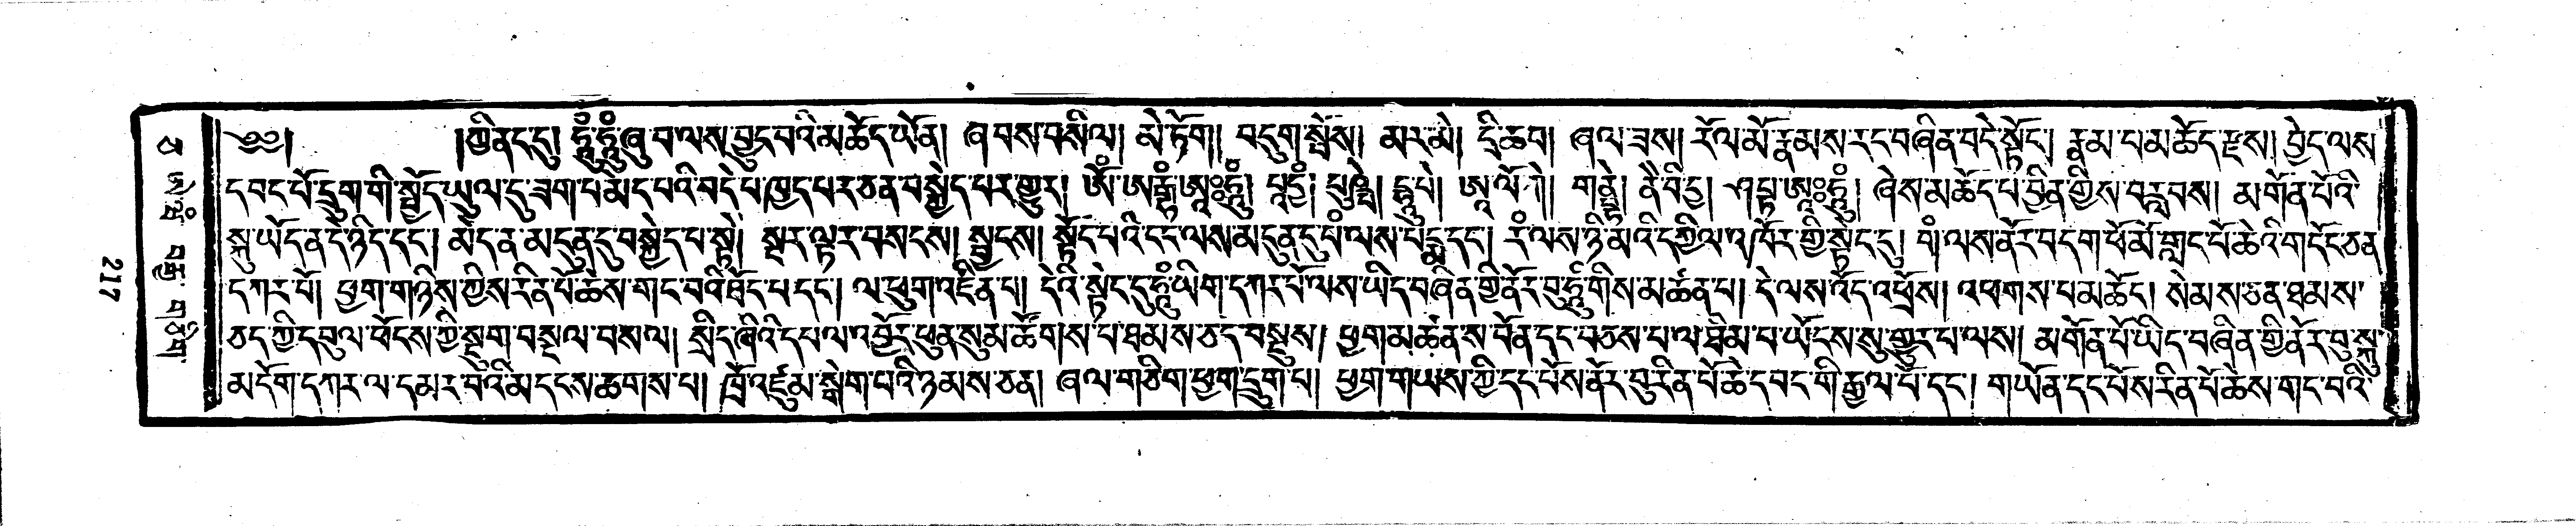༄༅། །ཀྱི་ནང་དུ། ཧཱུཾ་ཧཱུཾ་ཞུ་བ་ལས་བྱུང་བའི་མཆོད་ཡོན། ཞབས་བསིལ། མེ་ཏོག །བདུག་སྤོས། མར་མེ། དྲི་ཆབ། ཞལ་ཟས། རོལ་མོ་རྣམས་རང་བཞིན་བདེ་སྟོང་། རྣམ་པ་མཆོད་རྫས། བྱེད་ལས་
དབང་པོ་དྲུག་གི་སྤྱོད་ཡུལ་དུ་ཟག་པ་མེད་པའི་བདེ་བ་ཁྱད་པར་ཅན་བསྐྱེད་པར་གྱུར། ཨོཾ་ཨརྒྷཾ་ཨཱཿ ཧཱུཾ། པཱདྱཾ། པུཥྤེ། དྷཱུ་པེ། ཨཱ་ལོ་ཀེ། གནྡྷེ། ནཻབཱི་དྱ། ཤཔྟ་ཨཱཿ ཧཱུཾ། ཞེས་མཆོད་པ་བྱིན་གྱིས་བརླབས། མགོན་པོའི་
སྐུ་ཡོད་ན་དེ་ཉིད་དང་། མེད་ན་མདུན་དུ་བསྐྱེད་པ་སྟེ། སྔར་ལྟར་བསངས། སྦྱངས། སྟོང་པའི་ངང་ལས་མདུན་དུ་པཾ་ལས་པདམ་དང་། རཾ་ལས་ཉི་མའི་དཀྱིལ་འཁོར་གྱི་སྟེང་དུ། གཾ་ལས་ནོར་བདག་ཕོ་མོ་གླང་པོ་ཆེའི་གདོང་ཅན་
དཀར་པོ། ཕྱག་གཉིས་ཀྱིས་རིན་པོ་ཆེས་གང་བའི་ཐོད་པ་དང་། ལ་ཕུག་འཛིན་པ། དེའི་སྟེང་དུ་ཧཱུཾ་ཡིག་དཀར་པོ་ལས་ཡིད་བཞིན་གྱི་ནོར་བུ་ཧཱུཾ་གིས་མཚན་པ། དེ་ལས་འོད་འཕྲོས། འཕགས་པ་མཆོད། སེམས་ཅན་ཐམས་
ཅད་ཀྱི་དབུལ་ཕོངས་ཀྱི་སྡུག་བསྔལ་བསལ། སྲིད་ཞིའི་དཔལ་འབྱོར་ཕུན་སུམ་ཚོགས་པ་ཐམས་ཅད་བསྡུས། ཕྱག་མཚན་ས་བོན་དང་བཅས་པ་ལ་ཐིམ་པ་ཡོངས་སུ་གྱུར་པ་ལས། མགོན་པོ་ཡིད་བཞིན་གྱི་ནོར་བུ་སྐུ་
མདོག་དཀར་ལ་དམར་བའི་མདངས་ཆགས་པ། ཁྲོ་འཛུམ་སྒེག་པའི་ཉམས་ཅན། ཞལ་གཅིག་ཕྱག་དྲུག་པ། ཕྱག་གཡས་ཀྱི་དང་པོས་ནོར་བུ་རིན་པོ་ཆེ་དབང་གི་རྒྱལ་པོ་དང་། གཡོན་དང་པོས་རིན་པོ་ཆེས་གང་བའི་